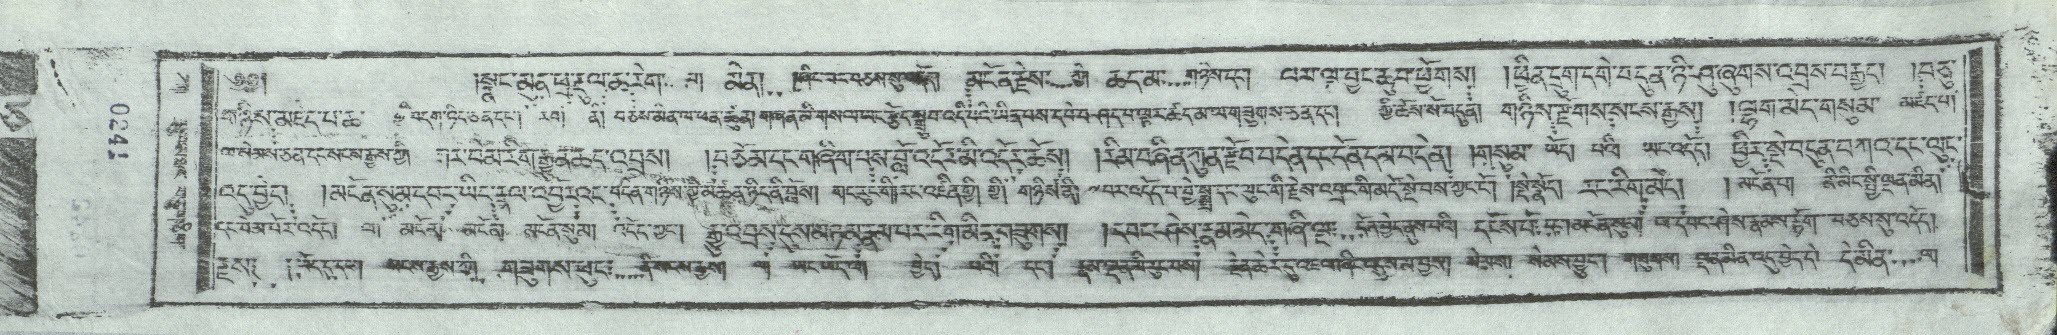༄༅། །སྣང་མུན་ཕྲ་རྡུལ་ཆ་རེག་བ། མིན། །ཞིང་པར་བཅས་སུ་འདོད། མངོན་རྗེས་ཀྱི། ཚད་མ་གཉིས་དང་། ལམ་ལ?་བྱང་ཆུབ་ཕྱོགས། །ཕྱིན་དྲུག་དགེ་འདུན་ཉི་ཤུ་ཞུགས་འབྲས་བརྒྱད། །བཅུ?
གཉིས་མཛད་པ་ཆ་ལྡི?་བདག་ཉིད་ཅན་དང་། རབ། ནི་བཅས་མིན་ལ་ཕན་ཚུན། གཞན་མི་གསལ་ཡང་རྩོད་སྒྲུབ་འདི་པའི་ཡིན་བས་དཔེ་བཤད་པ་ལྟར་ཚད་མ་ལ་གཟུགས་ཅན་དང་། ཀྱི་ཆོས་སོ་བདུན། གཉིས་རྫོགས་སངས་རྒྱས། །ལྷག་མེད་གསུམ་??
ལ་སེམས་ཅན་དང་སངས་རྒྱས་ཀྱི། གར་བེམ་རིག་རྒྱུན་ཆད་འབྲས། །བཅོམ་དང་གཞིག་པས་བློ་འདོར་མི་འདོར་ཆོས། །རིམ་བཞིན་ཀུན་རྫོབ་བདེན་དང་དོན་དམ་བདེན། །གསུམ་ཡོད། པའི། །ཡང་འདོད། ཕྱིར་སྡེ་བདུན་བཀའ་དང་ལུང་
འདུ་བྱེད། །མངོན་སུམ་ད་འང་ཡིད་རྣལ་འབྱོར་འང་བདེན་གཉིས་ཀྱི་མཚན་ཉིད་ནི་བློས། གང་རུང་གི། རང་འཛིན་ཀྱི། གྱི། གཉིས་ནི། བར་འདོད་པ་བྱེ་སྨྲ་དང་ལུང་གི་རྗེས་འབྲང་གི་མདོ་སྡེ་བས་ཀྱང་ངོ། །སྡེ་སྣོད། རང་རིག་མེད། །མངོན་པ། ནི་མིང་སྤྱི་ལྡན་མིན།
དང་བོམ་པེར་འདོད། །ལ་མངོར། མངོན། མངོན་སུམ། འདོད་ཀྱང་། རྒྱུ་འབྲས་དུས་མཉམ་རྣམ་པར་རིག་མིན་གཟུགས། །དབང་ཤེས་རྣམ་མེད་གཞི་ལྔ་དོན་བྱེད་ནུས་པའི། དངོས་པོ་དང་། མངོན་སུམ་ལ་དབང་ཤེས་རྣམས་རྟོག་བཅས་སུ་འདོད།
རྫས། །ཡོད་དུ་དང་། སངས་རྒྱས་ཀྱི། གཟུགས་ཕུང་། ཉི་སངས་རྒྱས། ?་ཡང་ཡོད་ལ། བྱེད་བའི། དང་། རྔས་ལྡན་མི་རུང་བས། རྗེན་ཆེར་དུ་འཇལ་མིང་འདུས་མ་བྱས། སེམས། སེམས་བྱུང་། གཟུགས། ལྡན་མིན་འདུ་བྱེད་དེ། དེ་མིན་?